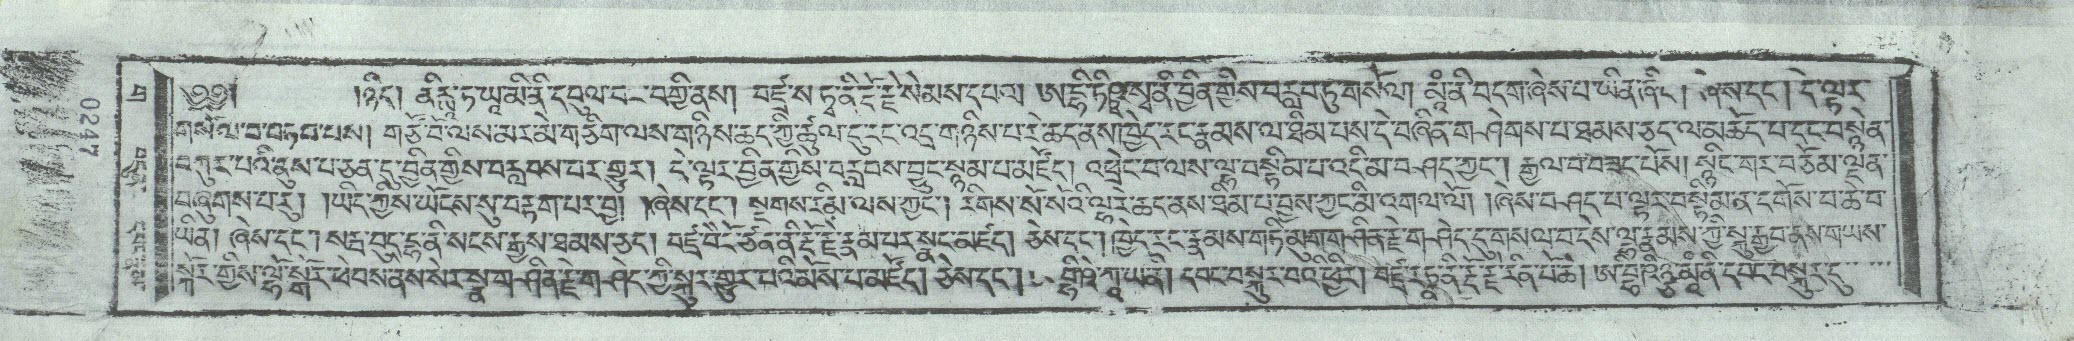༄༅། །ཉིད། ནིརྱཱ་ཏ་ཡཱ་མི་ནི་དབུལ་བར་བགྱི་ནས། བཛྲ་སཏྭ་ནི་རྡོ་རྗེ་སེམས་དཔའ། ཨ་དྷི་ཏིཥཊཿཨ་སྭ་ནི་བྱིན་གྱིས་བརླབ་ཏུ་གསོལ། མཱཾ་ནི་བདག་ཞེས་པ་ཡིན་ཞིང་། ཞེས་དང་། ད་ལྟར་
གསོལ་བ་བཏབ་པས། གཙོ་བོ་ལས་མར་མེ་གཅིག་ལས་གཉིས་ཆད་ཀྱི་ཚུལ་དུ་རང་འདྲ་གཉིས་པ་རེ་ཆད་ནས་ཁྱེད་རང་རྣམས་ལ་ཐིམ་པས་དེ་བཞིན་གཤེགས་པ་ཐམས་ཅད་ལ་མཆོད་པ་དང་བསྙེན་
བཀུར་པའི་ནུས་པ་ཅན་དུ་བྱིན་གྱིས་བརླབས་པར་གྱུར། དེ་ལྟར་བྱིན་གྱིས་བརླབས་བྱུང་སྙམ་པ་མཛོད། འཕྲེང་བ་ལས་ལྷ་བསྟིམ་པ་འདི་མ་བཤད་ཀྱང་། རྒྱལ་བ་བཟང་པོས། སྙིང་གར་བཅོམ་ལྡན་
བཞུགས་པ་རུ། །ཡིད་ཀྱིས་ཡོངས་སུ་བརྟག་པར་བྱ། །ཞེས་དང་། སྔགས་རིམ་ལས་ཀྱང་། རིགས་སོ་སོའི་ལྷ་རེ་ཆད་ནས་ཐིམ་པ་བྱས་ཀྱང་མི་འགལ་ལོ། །ཞེས་བཤད་པ་ལྟར་བསྟིམ་ན་དགོས་པ་ཆེ་བ་
ཡིན། ཞེས་དང་། སརྦ་བུད་དྷ་ནི་སངས་རྒྱས་ཐམས་ཅད། བཛྲ་བཻ་རོ་ཙ་ན་ནི་རྡོ་རྗེ་རྣམ་པར་སྣང་མཛད། ཅེས་དང་། ཁྱེད་རང་རྣམས་གཏི་མུག་གཤིན་རྗེ་གཤེད་དུ་གསལ་བ་དེས་ལྷ་རྣམས་ཀྱི་སྐུ་རྒྱབ་ནས་གཡས་
སྐོར་གྱིས་ལྷོ་སྒོར་ཕེབས་ནས་སེར་སྣ་གཤིན་རྗེ་གཤེད་ཀྱི་སྐུར་གྱུར་པའི་མོས་པ་མཛོད། ཅེས་དང་། ཨབྷི་ཥེ་ཀཱ་ཡ་ནི། དབང་བསྐུར་བའི་ཕྱིར། བཛྲ་རཏྣ་ནི་རྡོ་རྗེ་རིན་པོ་ཆེ། ཨ་བྷི་ཥིཉྩ་མཱཾ་ནི་དབང་བསྐུར་དུ་